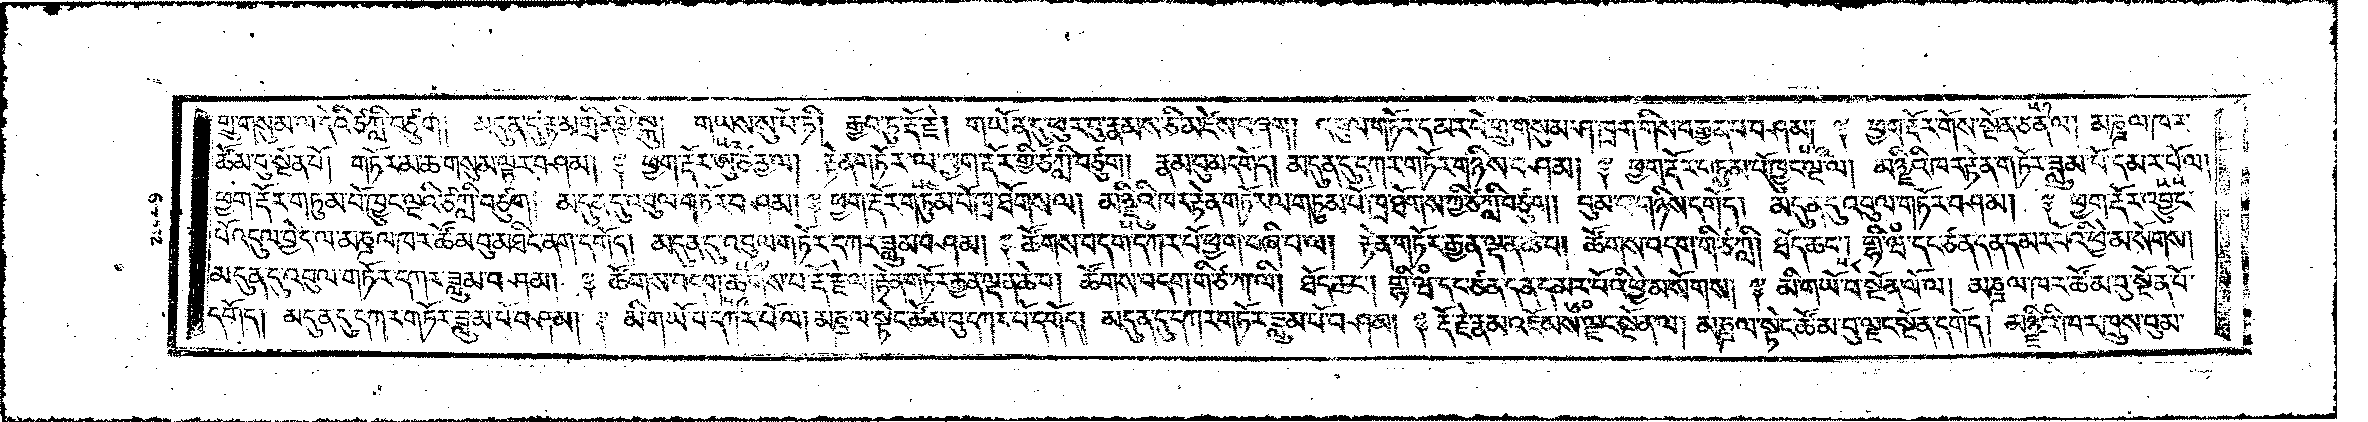གྲུ་གསུམ་ལ་དེའི་ཙཀླི་བཙུག། མདུན་དུ་རྟ་མགྲིན་གྱི་སྐུ། གཡས་སུ་པོ་ཏི། རྒྱབ་ཏུ་རྡོ་རྗེ། གཡོན་དུ་ཕུར་བུ་རྣམས་ཅི་མཛེས་བཞག། འབུལ་གཏོར་དམར་པོ་གྲུ་གསུམ་ཤ་ཁྲག་གིས་བརྒྱན་པ་བཤམ། ༈ ཕྱག་རྡོར་གོས་སྔོན་ཅན་ལ། མཎྜལ་ཁར་
ཚོམ་བུ་སྔོན་པོ། གཏོར་མ་ཆ་གསུམ་ལྟར་བཤམ། ༈ ཕྱག་རྡོར་ཨུ་ཙ་རྱ་ལ། ཏེན་གཏོར་ལ་ཕྱག་རྡོར་གྱི་ཙཀླི་བཙུག། རྣམ་བུམ་དགོད། མདུན་དུ་དཀར་གཏོར་གཉིས་བཤམ། ༈ ཕྱག་རྡོར་གཏུམ་པོ་ཁྱུང་ལྔ་ལ། མཉྫིའི་ཁར་རྟེན་གཏོར་ཟླུམ་པོ་དམར་པོ་ལ།
ཕྱག་རྡོར་གཏུམ་པོ་ཁྱུང་ལྔའི་ཙཀླི་བཙུག། མདུན་དུ་འབུལ་གཏོར་བཤམ། ༈ ཕྱག་རྡོར་གཏུམ་པོ་ཁྲ་ཐོགས་ལ། མཉྫིའི་ཁར་རྟེན་གཏོར་ལ་གཏུམ་པོ་ཁྲག་ཐོགས་ཀྱི་ཙཀླི་བཙུག། བུམ་པ་གཉིས་དགོད། མདུན་དུ་འབུལ་གཏོར་བཤམ། ༈ ཕྱག་རྡོར་འབྱུང་
པོ་འདུལ་བྱེད་ལ་མཎྜལ་ཁར་ཚོམ་བུ་མཐིང་ནག་དགོད། མདུན་དུ་འབུལ་གཏོར་དཀར་ཟླུམ་བཤམ། ༈ ཚོགས་བདག་དཀར་པོ་ཕྱག་བཞི་པ་ལ། རྟེན་གཏོར་རྒྱན་ལྡན་ཆེ་བ། ཚོགས་བདག་གི་ཙཀླི། ཐོད་ཆང་པ། གྷི་ཝཾ་དང་ཙན་དན་དམར་པོའི་ཕྱེ་མ་སོགས།
མདུན་དུ་འབུལ་གཏོར་དཀར་ཟླུམ་བཤམ། ༈ ཚོགས་བདག་ཆགས་པ་རྡོ་རྗེ་ལ། རྟེན་གཏོར་རྒྱན་ལྡན་ཆེ་བ། ཚོགས་བདག་གི་ཙ་ཀ་ལི། ཐོད་ཆང་། གྷི་ཝཾ་དང་ཙན་དང་དམར་པོའི་ཕྱེ་མ་སོགས། ༈ མི་གཡོ་བ་སྔོན་ལོ་ལ། མཎྜལ་ཁར་ཚོམ་བུ་སྔོན་པོ་
དགོད། མདུན་དུ་དཀར་གཏོར་ཟླུམ་པོ་བཤམ། ༈ མི་གཡོ་བ་དཀར་པོ་ལ། མཎྜལ་སྟེང་ཚོམ་བུ་དཀར་པོ་དགོད། མདུན་དུ་དཀར་གཏོར་ཟླུམ་པོ་བཤམ། ༈ རྡོ་རྗེ་རྣམ་འཇོམས་ལྗང་སྔོན་ལ། མཎྜལ་སྟེང་ཚོམ་བུ་ལྗང་སྔོན་དགོད། མཉྫིའི་ཁར་ཁྲུས་བུམ་